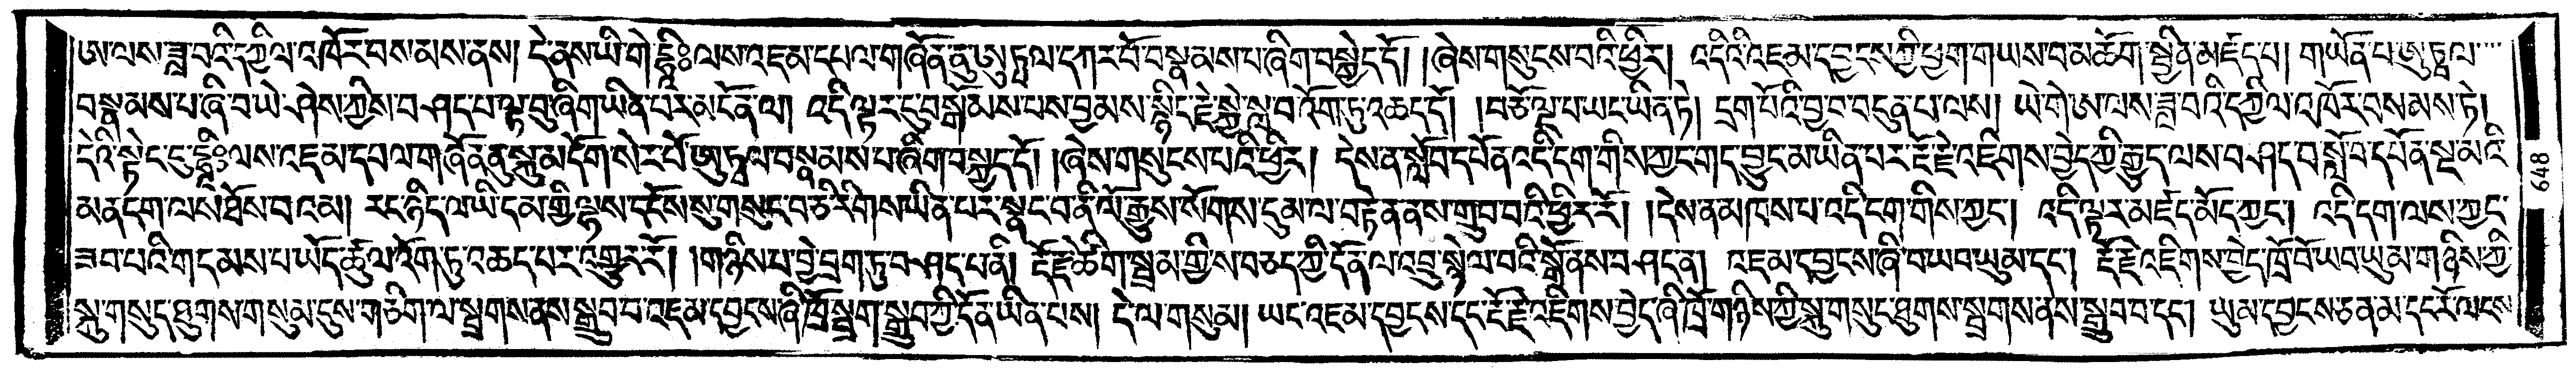ཨ་ལས་ཟླ་བའི་དཀྱིལ་འཁོར་བསམས་ནས། དེ་ནས་ཡི་གེ་དྷཱིཿལས་འཇམ་དཔལ་གཞོན་ནུ་ཨུཏྤལ་དཀར་པོ་བསྣམས་པ་ཞིག་བསྐྱེད་དོ། །ཞེས་གསུངས་པའི་ཕྱིར། འདིའི་འཇམ་དབྱངས་ཀྱི་ཕྱག་གཡས་པ་མཆོག་སྦྱིན་མཛད་པ། གཡོན་པ་ཨུཏྤལ་
བསྣམས་པ་ཞི་བ་ཡེ་ཤེས་ཀྱིས་བཤད་པ་ལྟ་བུ་ཞིག་ཡིན་པར་མངོན་ལ། འདི་ལྟར་དུ་བསྒོམས་པས་བྱམས་སྙིང་རྗེ་སྐྱེ་སླ་བ་འོག་ཏུ་འཆད་དོ། །བཅོ་ལྔ་པ་ཡང་ཡིན་ཏེ། དྲག་པོའི་བྱ་བ་བདུན་པ་ལས། ཡེ་གེ་ཨ་ལས་ཟླ་བའི་དཀྱིལ་འཁོར་བསམས་ཏེ།
དེའི་སྟེང་དུ་དྷཱིཿལས་འཇམ་དཔལ་གཞོན་ནུ་སྐུ་མདོག་སེར་པོ་ཨུཏྤལ་བསྣམས་པ་ཞིག་བསྐྱེད་དོ། །ཞེས་གསུངས་པའི་ཕྱིར། དེས་ན་སློབ་དཔོན་འདི་དག་གིས་ཀྱང་གང་བྱུང་མ་ཡིན་པར་རྡོ་རྗེ་འཇིགས་བྱེད་ཀྱི་རྒྱུད་ལས་བཤད་པ་སློབ་དཔོན་སྔ་མའི་
མན་ངག་ལས་ཐོས་བའམ། རང་ཉིད་ལ་ཡི་དམ་གྱི་ལྷས་དངོས་སུ་གསུང་བ་ཅི་རིགས་ཡིན་པར་སྣང་བ་ནི་ལོ་རྒྱུས་སོགས་དུ་མ་ལ་བརྟེན་ནས་གྲུབ་པའི་ཕྱིར་རོ། །དེས་ན་མཁས་པ་འདི་དག་གིས་ཀྱང་། འདི་ལྟར་མཛད་མོད་ཀྱང་། འདི་དག་ལས་ཀྱང་
ཟབ་པའི་གདམས་པ་ཡོད་ཚུལ་འོག་ཏུ་འཆད་པར་འགྱུར་རོ། །གཉིས་པ་བྱེ་བྲག་ཏུ་བཤད་པ་ནི། རྡོ་རྗེ་ཚིག་སྦྲམ་གྱིས་བཅད་ཀྱི་དོན་ལ་འབྲུ་སྙེལ་བའི་སྒོ་ནས་བཤད་ན། འཇམ་དབྱངས་ཞི་བ་ཡབ་ཡུམ་དང་། རྡོ་རྗེ་འཇིགས་བྱེད་ཁྲོ་བོ་ཡབ་ཡུམ་གཉིས་ཀྱི་
སྐུ་གསུང་ཐུགས་གསུམ་དུས་གཅིག་ལ་སྦྲགས་ནས་སྒྲུབ་པ་འཇམ་དབྱངས་ཞི་ཁྲོ་སྦྲག་སྒྲུབ་ཀྱི་དོན་ཡིན་པས། དེ་ལ་གསུམ། ཡང་འཇམ་དབྱངས་དང་རྡོ་རྗེ་འཇིགས་བྱེད་ཞི་ཁྲོ་གཉིས་ཀྱི་སྐུ་གསུང་ཐུགས་སྦྲགས་ནས་སྒྲུབ་པ་དང་། ཡུམ་དབྱངས་ཅན་མ་དང་རོ་ལངས་